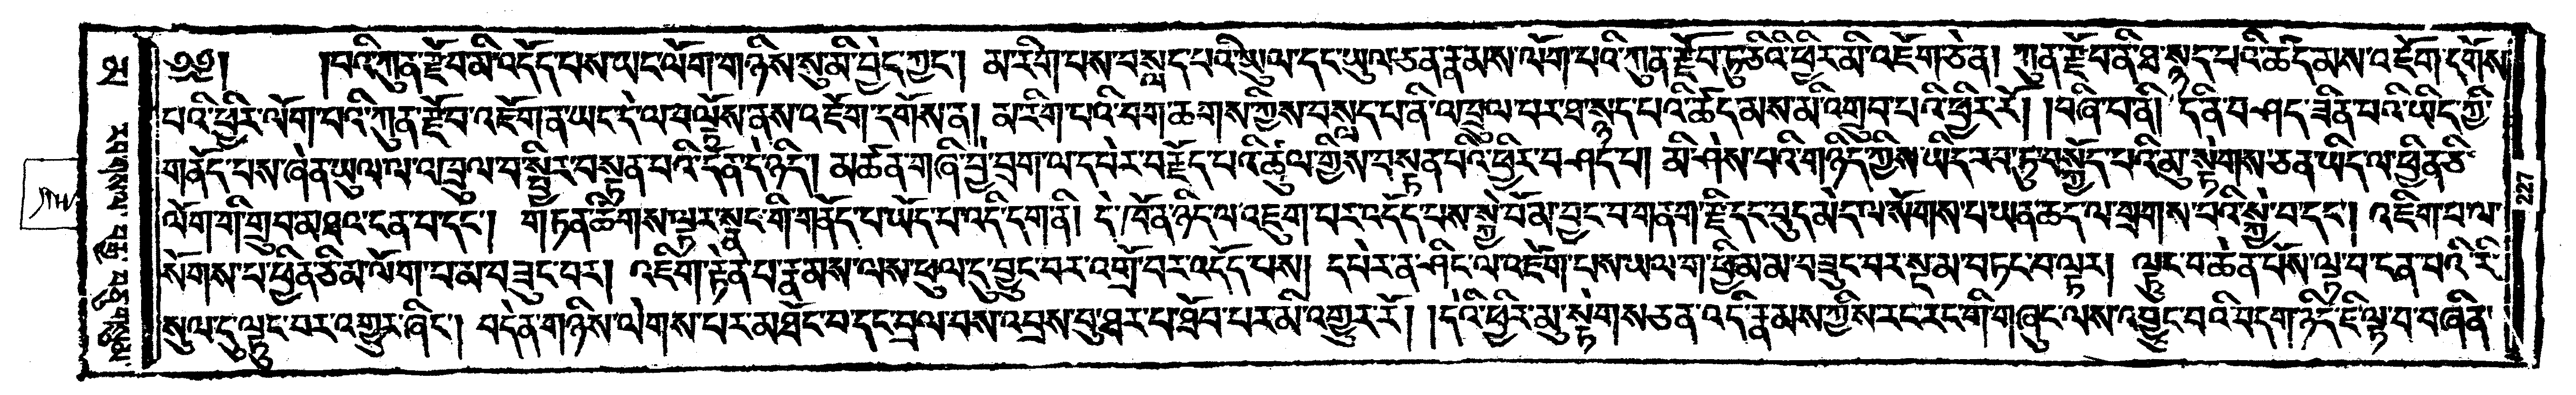༄༅། །པའི་ཀུན་རྫོབ་མི་འདོད་པས་ཡང་ལོག་གཉིས་སུ་མི་བྱེད་ཀྱང་། མ་རིག་པས་བསླད་པའི་ཡུལ་དང་ཡུལ་ཅན་རྣམས་ལོག་པའི་ཀུན་རྫོབ་ཏུ་ཅིའི་ཕྱིར་མི་འཇོག་ཅེ་ན། ཀུན་རྫོབ་ནི་ཐ་སྙད་པའི་ཚད་མས་འཇོག་དགོས་
པའི་ཕྱིར་ལོག་པའི་ཀུན་རྫོབ་འཇོག་ན་ཡང་དེ་ལ་བལྟོས་ནས་འཇོག་དགོས་ན། མ་རིག་པའི་བག་ཆགས་ཀྱིས་བསླད་པ་ནི་འཁྲུལ་པར་ཐ་སྙད་པའི་ཚད་མས་མི་འགྲུབ་པའི་ཕྱིར་རོ། །བཞི་པ་ནི། ད་ནི་བཤད་ཟིན་པའི་ཡིད་ཀྱི་
གནོད་པས་ཞེན་ཡུལ་ལ་འཁྲུལ་བ་སྤྱིར་བསྟན་པའི་དོན་དེ་ཉིད། མཚན་གཞི་བྱེ་བྲག་ལ་དཔེར་བརྗོད་པའི་ཚུལ་གྱིས་བསྟན་པའི་ཕྱིར་བཤད་པ། མི་ཤེས་པའི་གཉིད་ཀྱིས་ཡིད་རབ་ཏུ་བསྐྱོད་པའི་མུ་སྟེགས་ཅན་ཡིད་ལ་ཕྱིན་ཅི་
ལོག་གི་གྲུབ་མཐའ་ངན་པ་དང་། གཏན་ཚིགས་ལྟར་སྣང་གི་གནོད་པ་ཡོད་པ་འདི་དག་ནི། དེ་ཁོ་ན་ཉིད་ལ་འཇུག་པར་འདོད་པས་སྐྱེ་བོ་མ་བྱང་བ་གནག་རྫི་དང་བུད་མེད་ལ་སོགས་པ་ཡན་ཆད་ལ་གྲགས་པའི་སྐྱེ་བ་དང་། འཇིག་པ་ལ་
སོགས་པ་ཕྱིན་ཅི་མ་ལོག་པ་མ་བཟུང་བར། འཇིག་རྟེན་པ་རྣམས་ལས་ཕུལ་དུ་བྱུང་བར་འགྲོ་བར་འདོད་པས། དཔེར་ན་ཤིང་ལ་འཛེག་པས་ཡལ་ག་ཕྱི་མ་མ་བཟུང་བར་སྔ་མ་བཏང་བར་ལྟར། ལྟུང་བ་ཆེན་པོས་ལྟ་བ་ངན་པའི་རི་
སུལ་དུ་ལྟུང་བར་འགྱུར་ཞིང་། བདེན་གཉིས་ལེགས་པར་མཐོང་བ་དང་བྲལ་བས་འབྲས་བུ་ཐར་བ་ཐོབ་པར་མི་འགྱུར་རོ། །དེའི་ཕྱིར་མུ་སྟེགས་ཅན་འདི་རྣམས་ཀྱིས་རང་རང་གི་གཞུང་ལས་འབྱུང་བའི་བདག་ཉིད་ཇི་ལྟ་བ་བཞིན་